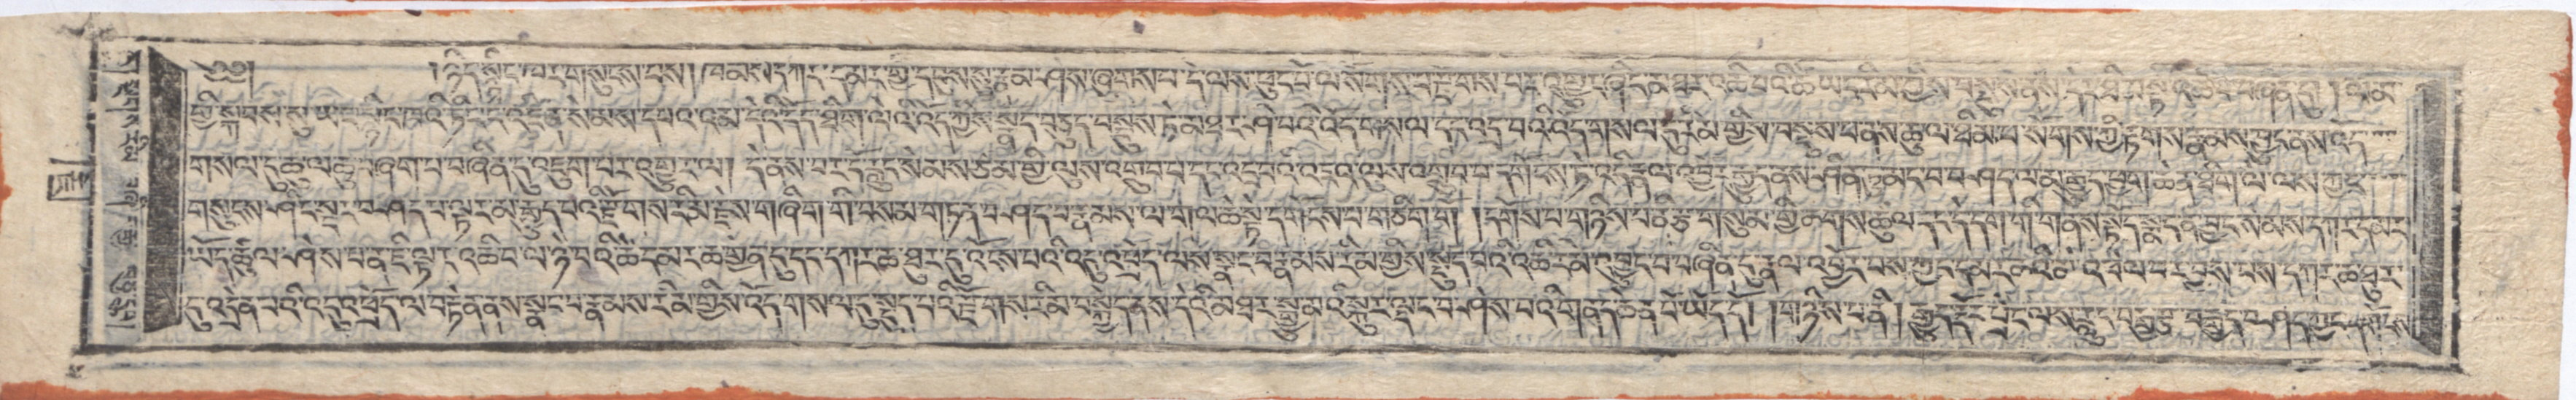༄༅། །ཉིད་སྙིང་ཁར་གསུངས་པས། ཁམས་དཀར་དམར་གྱི་དབུས་སུ་རྣམ་ཤེས་ཞུགས་པ་དེ་ལས་ཕུང་པོ་ལ་སོགས་པ་རྫོགས་པར་འགྱུར་ཞིང་མཐར་འཆི་བའི་ཚེ་ཡང་རིམ་གྱིས་བསྡུས་ནས་དེར་ཐིམ་སྟེ་འཆི་བ་བཞིན་དུ། །ལམ་
གྱི་སྐབས་སུ་ཡང་སྙིང་ཁའི་ཏིང་ངེ་འཛིན་སེམས་དཔའ་འམ་དེའི་དོད་ཐིག་ལེའི་འོད་ཀྱིས་སྣོད་བཅུད་བསྡུས་ཏེ་མཐར་ཤི་བའི་འོད་གསལ་དང་འདྲ་བའི་འོད་གསལ་དུ་རིམ་གྱིས་བསྡུས་པ་ན་ས་ཆུ་ལ་ཐིམ་པ་སོགས་ཀྱི་རྟགས་རྣམས་བྱུང་ནས་འོད་
གསལ་དུ་ཆུ་ལ་ཆུ་བཞག་པ་བཞིན་དུ་འཇུག་པར་འགྱུར་ལ། དེ་ནས་བར་དོ་རླུང་སེམས་ཙམ་གྱི་ལུས་འགྲུབ་པ་དང་འདྲ་བའི་འཇའ་ལུས་འགྲུབ་པ་དགོངས་ཏེ་འདི་རྣལ་འབྱོར་རྒྱུད་ནས་ཤིན་ཏུ་མང་བ་བཤད་ལ་མ་རྒྱུད་ཕྱག་ཆེན་ཐིག་ལེ་ལས་ཀྱང་
གསུངས་ཤིང་སྔར་བཤད་པ་ལྟར་མ་རྒྱུད་པའི་རྫོགས་རིམ་རྗེས་གཞིག་གི་བསམ་གཏན་བཤད་པ་རྣམས་ལ་གལ་ཆེ་སྟེ་དགོངས་པ་གཅིག་གོ །དགོས་པ་གཉིས་པ་ནི་རྩ་གསུམ་གྱི་ཆགས་ཚུལ་དང་དེ་དག་གི་གནས་སྟོད་སྨད་ན་བྱང་སེམས་དཀར་དམར་
ཡོད་ཚུལ་ཤེས་པ་ན་ཇི་ལྟར་འཆི་བ་ལ་ཉེ་བའི་ཚེ་དམར་ཆ་གྱེན་དུ་དང་དཀར་ཆ་ཐུར་དུ་འོངས་པའི་འདུ་འཕྲོད་ལས་སྣང་བ་རྣམས་རིམ་གྱིས་སྡུད་པའི་འཆི་རིམ་འབྱུང་བ་བཞིན་དུ་རྣལ་འབྱོར་བས་ཀྱང་དམར་ཆའི་མེ་འཕེལ་བར་བྱས་པས་དཀར་ཆ་ཐུར་
དུ་འདྲེན་པའི་འདུ་འཕྲོད་ལ་བརྟེན་ནས་སྣང་བ་རྣམས་རིམ་གྱིས་འོད་གསལ་དུ་སྡུད་པའི་རྫོགས་རིམ་བསྐྱེད་ནས་དེའི་མཐར་སྒྱུ་མའི་སྐུར་ལྡང་བ་ཤེས་པའི་གནད་ཆེན་པོ་ཡོད་དོ། །གཉིས་པ་ནི། རྒྱུད་རྡོར་ཕྲེང་ལས་རླུང་བརྒྱ་རྩ་བརྒྱད་བཤད་ཀྱང་དགོངས་